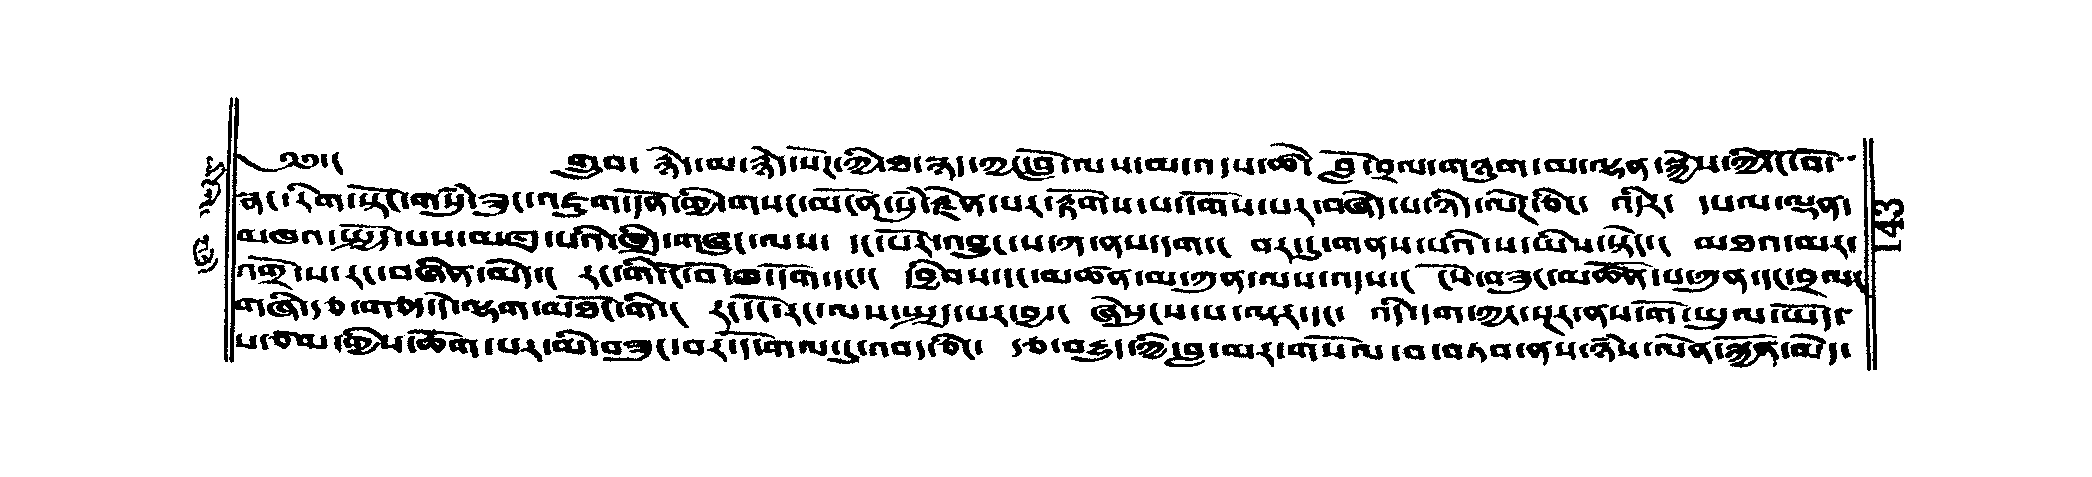གྲུབ། རྙེད་མ་རྙེད་སོགས་ཀྱི་ཐ་སྙད་ཀྱང་བློ་ལས་མ་འདས་ཚེ། བློ་བྲལ་གཉུག་མ་ལྷན་སྐྱེས་ཀྱི་ངོ་བོ་
སྣང་རིག་སྟོང་གསུམ་ཟུང་འཇུག་དོན་གྱི་གསང་མངོན་སུམ་རྗེན་པར་རྟོགས་པ་དགོས་པར་བཞེད་པ་ཉིད་ལེགས་ཤིང་། འདིར་དཔལ་ལྡན་
མཁའ་སྤྱོད་པས་མཛད་པའི་ཁྲིད་གཞུང་ལས། །དང་པོར་འབྱུང་པ་ཀ་ནས་དག །བར་དུ་གནས་པའི་ས་ཡིས་སྟོང་། །མཐའ་མར་
འགྲོ་ས་རང་བཞིན་མེད། །རང་གི་ངོ་བོ་ཁ་དོག་དང་། །དབྱིབས་དང་མཚན་མ་ཀུན་ལས་འདས། །ངོས་བཟུང་མཚོན་པ་ཀུན་དང་བྲལ། །
གཞི་རྩ་གཅད་དེ་ལྷག་མཐོང་གི །རང་ངོ་རང་ལས་སྤྲད་པར་བྱ། ཞེས་གསུངས་པ་ལྟར་དང་། འདི་དག་ཀྱང་སྔར་ནས་གོ་ཡུལ་ཡོད་
པ་ཙམ་གྱིས་ཆོག་པར་མི་བཟུང་བར་དོ་གལ་དུ་འབད་ཅིང་། རྩ་བརྒྱུད་ཀྱི་བླ་མར་གསོལ་བ་བཏབ་ནས་ཉམས་ལེན་སྐྱོན་མེད་